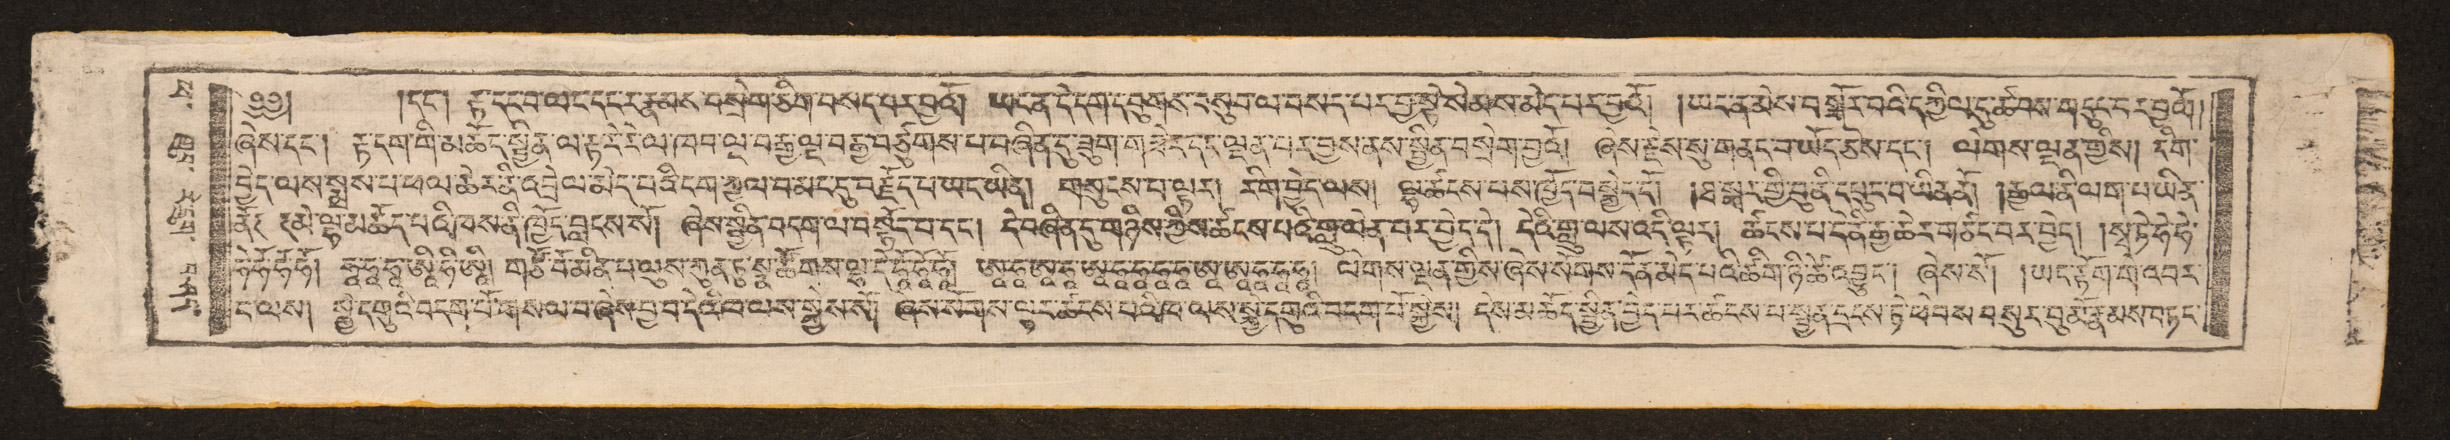༄༅། །དང་། རྟ་དང་བ་ལང་དང་ར་རྣམས་བསྲེག་ཅིག་བསད་པར་བྱའོ། ཡང་ན་དེ་དག་དབུགས་བསུབ་ལ་བསད་པར་བྱ་སྟེ་སེམས་མེད་པར་བྱའོ། །ཡང་ན་མེས་བསྐོར་བའི་དཀྱིལ་དུ་ཚབས་གདུང་བར་བྱའོ།།
ཞེས་དང་། རྟ་དག་གི་འཆོད་སྦྱིན་ལ་རྟ་རེ་རེ་ལ་ཁབ་ལྔ་བརྒྱ་ལྔ་བརྒྱ་བཙུགས་པ་བཞིན་དུ་ཟུག་གཟེར་དང་ལྡན་པར་བྱས་ནས་སྦྱིན་བསྲེག་བྱའོ། ཞེས་རྗེས་སུ་གནང་བ་ཡོད་ཅེས་དང་། ལེགས་ལྡན་གྱིས། རིག་
བྱེད་ལས་སྨྲས་པ་ཕལ་ཆེར་ནི་འབྲེལ་མེད་པའི་དག་ཀྱལ་བ་མང་དུ་བརྗོད་པ་ཡང་ཡིན། གསུངས་པ་ལྟར། རིག་བྱེད་ལས། ལྷ་ཚངས་པས་ཁྱོད་བསྐྱེད་དོ། །ཐ་སྐར་གྱི་བུ་ནི་དཔུང་བ་ཡིན་ནོ། །རྒྱལ་ནི་ལག་པ་ཡིན་
ནོ༑ ༑མེ་ལྷ་མཆོད་པའི་ཁས་ནི་ཁྱོད་བླངས་སོ། ཞེས་སྦྱིན་བདག་ལ་བསྟོད་པ་དང་། དེ་བཞིན་དུ་གཉིས་ཀྱིས་ཚངས་པའི་གླུ་ལེན་པར་བྱེད་དེ། དེའི་གླུ་ལས་འདི་ལྟར། ཚངས་པ་དེ་ནི་རྒྱ་ཆེར་གཙང་བར་བྱེད། །སྭ་ཏེ་ཧེ་ཧེ་
ཧེ་ཧོ་ཧོ་ཧོ། ཧཱ་ཧཱ་ཧཱ་ཨཱི་ཧི་ཨཱི། གཙོ་བོ་མིན་པ་ལུས་ཀུན་ཏུ་སྣ་ཚོགས་ལྷ་དེ་ཧO་ཧO་ཧO། ཨཱ་ཧཱ་ཨཱ་ཧཱ་ཨཱ་ཧཱ་ཧཱ་ཧཱ་ཧཱ་ཨཱ་ཨཱ་ཧཱ་ཧཱ་ཧཱ། ལེགས་ལྡན་གྱིས་ཞེས་སོགས་དོན་མེད་པའི་ཚིག་ཉི་ཚེ་འབྱུང་། ཞེས་སོ། །ཡང་རྟོག་གེ་འབར་
བ་ལས། སྐྱེ་དགུའི་བདག་པོ་གསལ་བ་ཞེས་བྱ་བ་དེའི་ཁ་ལས་སྐྱེས་སོ། ཞེས་སོགས་ལྟར་ཚངས་པའི་ཁ་ལས་སྐྱེ་དགུའི་བདག་པོ་སྐྱེས། དེས་མཆོད་སྦྱིན་བྱེད་པར་ཚངས་པ་སྤྱན་དྲངས་ཏེ་ཕེབས་བསུར་བུ་མོ་རྣམས་བཏང་